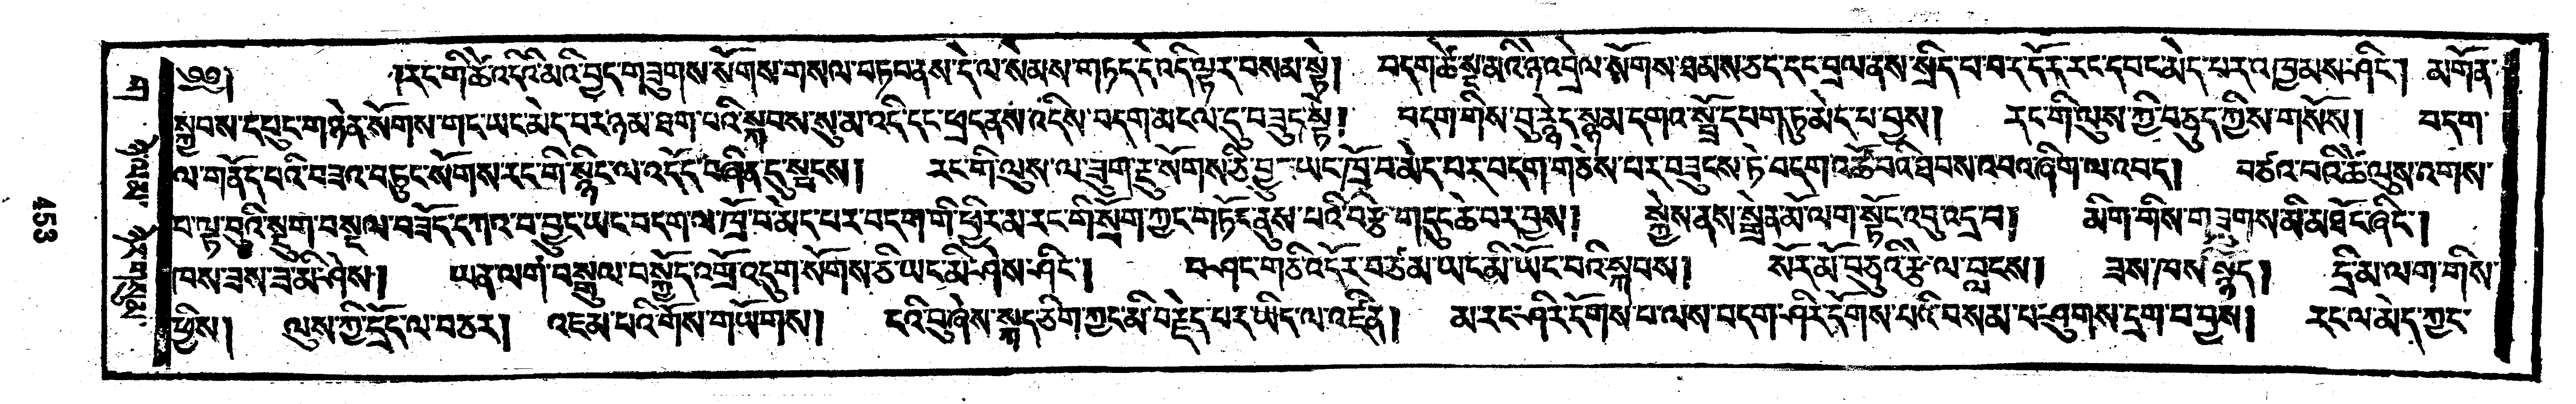༄༅། །རང་གི་ཚེ་འདིའི་མའི་བྱད་གཟུགས་སོགས་གསལ་བཏབ་ནས་དེ་ལ་སེམས་གཏད་དེ་འདི་ལྟར་བསམ་སྟེ། བདག་ཚེ་སྔ་མའི་ཉེ་འབྲེལ་སོགས་ཐམས་ཅད་དང་བྲལ་ནས་སྲིད་པ་བར་དོར་རང་དབང་མེད་པར་འཁྱམས་ཤིང་། མགོན་
སྐྱབས་དཔུང་གཉེན་སོགས་གང་ཡང་མེད་པར་ཉམ་ཐག་པའི་སྐབས་སུ་མ་འདི་དང་ཕྲད་ནས་འདིས་བདག་མངལ་དུ་བཟུང་སྟེ། བདག་གིས་བུ་རྙེད་སྙམ་དགའ་སྤྲོ་དཔག་ཏུ་མེད་པ་བྱས། རང་གི་ལུས་ཀྱི་བཅུད་ཀྱིས་གསོས། བདག་
ལ་གནོད་པའི་བཟའ་བཏུང་སོགས་རང་གི་སྙིང་ལ་འདོད་བཞིན་དུ་སྤངས། རང་གི་ལུས་ལ་ཟུག་རྡུ་སོགས་ཅི་བྱུང་ཡང་ཁྲོ་བ་མེད་པར་བདག་གཅེས་པར་བཟུངས་ཏེ་བདག་འཚོ་བའི་ཐབས་འབའ་ཞིག་ལ་འབད། བཙའ་བའི་ཚེ་ལུས་འགས་
བ་ལྟ་བུའི་སྡུག་བསྔལ་བཟོད་དཀའ་བ་བྱུང་ཡང་བདག་ལ་ཁྲོ་བ་མེད་པར་བདག་གི་ཕྱིར་མ་རང་གི་སྲོག་ཀྱང་གཏོང་ནུས་པའི་བརྩེ་གདུང་ཆེ་བར་བྱས། སྐྱེས་ནས་སྒྲེན་མོ་ལག་སྟོང་འབུ་འདྲ་བ། མིག་གིས་གཟུགས་མི་མཐོང་ཞིང་།
ཁས་ཟས་ཟ་མི་ཤེས། ཡན་ལག་བསྒུལ་བསྐྱོད་འགྲོ་འདུག་སོགས་ཅི་ཡང་མི་ཤེས་ཤིང་། བཤང་གཅི་འདོར་བ་ཙམ་ཡང་མི་ཡོང་བའི་སྐབས། སོར་མོ་བཅུའི་རྩེ་ལ་བླངས། ཟས་ཁས་སྙད། དྲི་མ་ལག་གིས་
ཕྱིས། ལུས་ཀྱི་དྲོད་ལ་བཅར། འཇམ་པའི་གོས་གཡོགས། ངའི་བུ་ཞེས་སྐད་ཅིག་ཀྱང་མི་བརྗེད་པར་ཡིད་ལ་འཛིན། མ་རང་ཤིར་ངོགས་པ་ལས་བདག་ཤིར་དོགས་པའི་བསམ་པ་ཤུགས་དྲག་པ་བྱས། རང་ལ་མེད་ཀྱང་